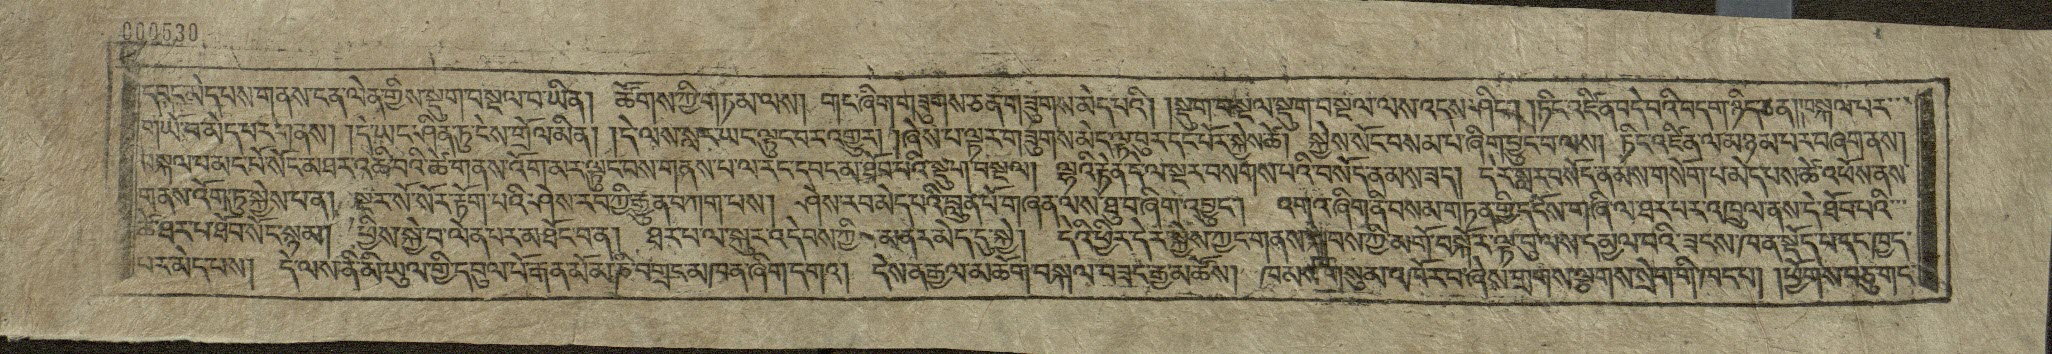དབང་མེད་པས་གནས་ངན་ལེན་གྱིས་སྡུག་བསྔལ་བ་ཡིན། ཚོགས་ཀྱི་གཏམ་ལས། གང་ཞིག་གཟུགས་ཅན་གཟུགས་མེད་པའི། །སྡུག་བསྔལ་སྡུག་བསྔལ་ལས་འདས་ཤིང་། །ཏིང་འཛིན་བདེ་བའི་བདག་ཉིད་ཅན། །བསྐལ་པར་
གཡོ་བ་མེད་པར་གནས། །དེ་ཡང་ཤིན་ཏུ་ངེས་གྲོལ་མིན། །དེ་ལས་སླར་ཡང་ལྟུང་བར་འགྱུར། །ཞེས་པ་ལྟར་གཟུགས་མེད་ལྟ་བུར་དང་པོར་སྐྱེས་ཚེ། སྐྱེས་སོང་བསམ་པ་ཞིག་བྱུང་བ་ལས། ཏིང་འཛིན་ལ་མཉམ་པར་བཞག་ནས།
བསྐལ་པ་མང་པོ་སོང་མཐར་འཆི་བའི་ཚེ་གནས་འོག་མར་ལྟུང་བས་གནས་པ་ལ་རང་དབང་མ་ཐོབ་པའི་སྡུག་བསྔལ། ལྷའི་རྟེན་དེ་ལ་སྔར་བསགས་པའི་བསོད་ནམས་ཟད། དེར་སླར་བསོད་ནམས་གསོག་པ་མེད་པས་ཚེ་འཕོས་ནས་
གནས་འོག་ཏུ་སྐྱེས་པ་ན། སྔར་སོ་སོར་རྟོག་པའི་ཤེས་རབ་ཀྱི་རྒྱུན་བཀག་པས། ཤེས་རབ་མེད་པའི་བླུན་པོ་གཞན་ལས་ཐུ་བ་ཞིག་འབྱུང་། འགའ་ཞིག་ནི་བསམ་གཏན་གྱི་དངོས་གཞི་ལ་ཐར་པར་འཁྲུལ་ནས་དེ་ཐོབ་པའི་
ཚེ་ཐར་པ་ཐོབ་སོང་སྙམ། ཕྱིས་སྐྱེ་བ་ལེན་པར་མཐོང་བ་ན། ཐར་པ་ལ་སྐུར་འདེབས་ཀྱིས་མནར་མེད་དུ་སྐྱེ། དེའི་ཕྱིར་དེར་སྐྱེས་ཀྱང་གནས་སྐབས་ཀྱི་མགོ་བསྐོར་ལྟ་བུ་ལས་དམྱལ་བའི་ཟངས་ཁ་ན་སྡོད་པ་དང་ཁྱད་
པར་མེད་པས། དེ་ལས་ནི་མི་ཡུལ་གྱི་དབུལ་པོ་རྒན་མོ་མ་ཎི་བགྲང་མཁན་ཞིག་དགའ། དེས་ན་རྒྱལ་མཆོག་བསྐལ་བཟང་རྒྱ་མཚོས། ཁམས་གསུམ་འཁོར་བ་ཞེས་གྲགས་ལྕགས་སྲེག་གི་ཁང་པ། །ཕྱོགས་བཅུ་གང་